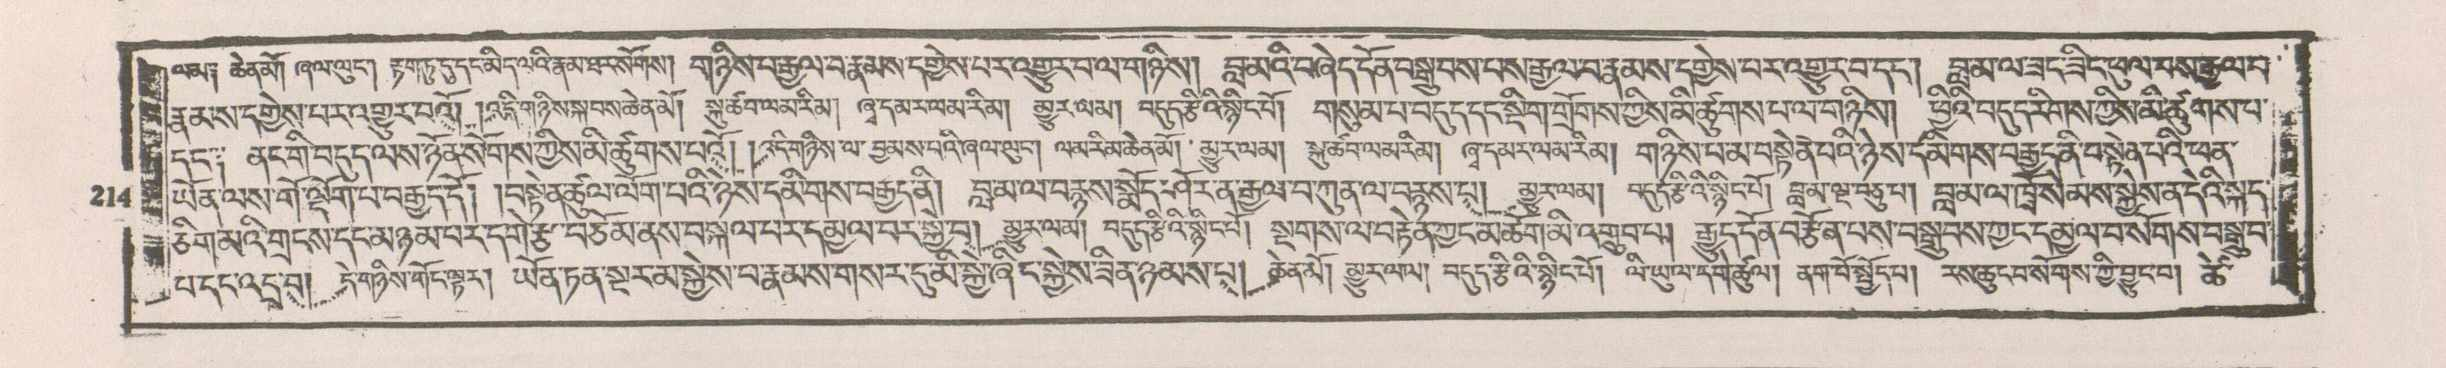ལམ༑ ཆེན་མོ། ཞལ་ལུང་། རྟག་ཏུ་ངུ་དང་མིད་ལའི་རྣམ་ཐར་སོགས།  གཉིས་པ་རྒྱལ་བ་རྣམས་དགྱེས་པར་འགྱུར་བ་ལ་གཉིས། བླ་མའི་བཞེད་དོན་བསྒྲུབས་པས་རྒྱལ་བ་རྣམས་དགྱེས་པར་འགྱུར་བ་དང་། བླ་མ་ལ་ཟང་ཟིང་ཕུལ་བས་རྒྱལ་བ་
རྣམས་དགྱེས་པར་འགྱུར་བའོ། ། འདི་གཉིས་སྐབས་ཆེན་མོ། སྐུ་ཚབ་ལམ་རིམ། ཞྭ་དམར་ལམ་རིམ། མྱུར་ལམ། བདུད་རྩིའི་སྙིང་པོ།  གསུམ་པ་བདུད་དང་སྡིག་གྲོགས་ཀྱིས་མི་ཚུགས་པ་ལ་གཉིས། ཕྱིའི་བདུད་རིགས་ཀྱིས་མི་ཚུགས་པ་
དང༑ ནང་གི་བདུད་ལས་ཉོན་སོགས་ཀྱིས་མི་ཚུགས་པའོ། ། འདི་གཉིས་ལ་བྱམས་པའི་ཞལ་ལུང་། ལམ་རིམ་ཆེན་མོ། མྱུར་ལམ། སྐུ་ཚབ་ལམ་རིམ། ཞྭ་དམར་ལམ་རིམ།  གཉིས་པ་མ་བསྟེན་པའི་ཉེས་དམིགས་བརྒྱད་ནི་བསྟེན་པའི་ཕན་
ཡོན་ལས་གོ་ལྡོག་པ་བརྒྱད་དོ། །བསྟེན་ཚུལ་ལོག་པའི་ཉེས་དམིགས་བརྒྱད་ནི། བླ་མ་ལ་བརྙས་སྨོད་ཤོར་ན་རྒྱལ་བ་ཀུན་ལ་བརྙས་པ། མྱུར་ལམ། བདུད་རྩིའི་སྙིང་པོ། བླ་མ་ལྔ་བཅུ་པ།  བླ་མ་ལ་ཁྲོ་སེམས་སྐྱེས་ན་དེའི་སྐད་
ཅིག་མའི་གྲངས་དང་མཉམ་པར་དགེ་རྩ་བཅོམ་ནས་བསྐལ་པར་དམྱལ་བར་སྐྱེ་བ། མྱུར་ལམ། བདུད་རྩིའི་སྙིང་པོ།  སྔགས་ལ་བརྟེན་ཀྱང་མཆོག་མི་འགྲུབ་པ། རྒྱུད་དོན་བརྩོན་པས་བསྒྲུབས་ཀྱང་དམྱལ་བ་སོགས་བསྒྲུབ་
པ་དང་འདྲ་བ། དེ་གཉིས་གོང་ལྟར།  ཡོན་ཏན་སྔར་མ་སྐྱེས་པ་རྣམས་གསར་དུ་མི་སྐྱེ་ཞིང་སྐྱེས་ཟིན་ཉམས་པ། ཆེན་མོ། མྱུར་ལམ། བདུད་རྩིའི་སྙིང་པོ། ལི་ཡུལ་དགེ་ཚུལ། ནག་པོ་སྤྱོད་པ། རས་ཆུང་བ་སོགས་ཀྱི་བྱུང་བ།  ཚེ་